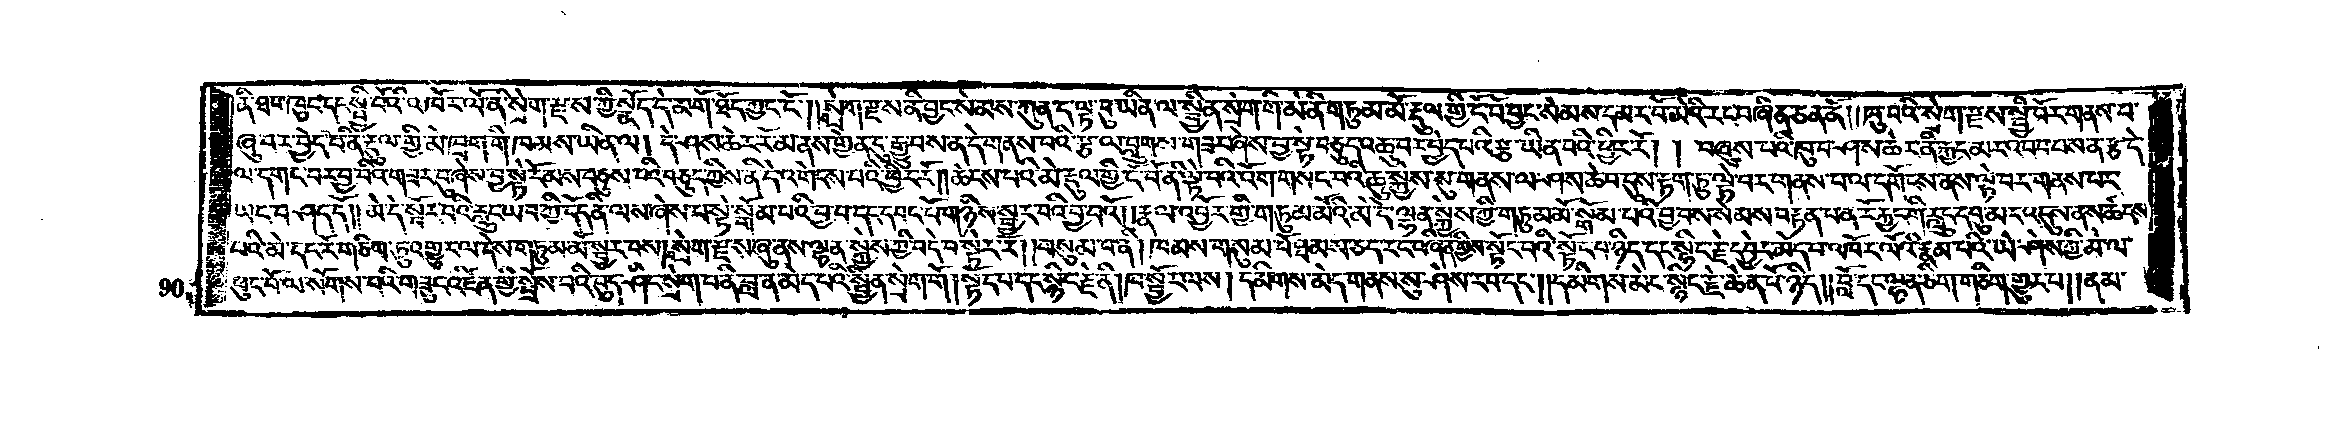ནི་ཐབ་ཁུང་དང་སྤྱི་བོའི་འཁོར་ལོ་ནི་སྲེག་རྫས་ཀྱི་སྣོད་དེ་མགོ་ཐོད་ཀྱང་ངོ། །བསྲེག་རྫས་ནི་བྱང་སེམས་ཀུན་ད་ལྟ་བུ་ཡིན་ལ་སྦྱིན་སྲེག་གི་མེ་ནི་གཏུམ་མོ་རྡུལ་གྱི་ངོ་བོ་བྱང་སེམས་དམར་པོ་མེའི་རང་བཞིན་ཅན་ནོ། །ཁུ་བའི་སྲེག་རྫས་སྤྱི་བོར་གནས་པ་
ཞུ་བར་བྱེད་པ་ནི་རྡུལ་གྱི་མེ་ཁྲག་གི་ཁམས་ཡིན་ལ། དེ་ཤས་ཆེར་རོ་མ་ནས་གྱེན་དུ་རྒྱུ་བས་ན་དེ་གནས་པའི་རྩ་ལ་བླུགས་གཟར་ཞེས་བྱ་སྟེ་བཅུད་འཆུ་བར་བྱེད་པའི་རྩ་ཡིན་པའི་ཕྱིར་རོ། །བཞུས་པའི་ཁུ་བ་ཤས་ཆེར་ནི་རྐྱང་མར་འབབ་པས་ན་རྩ་དེ་
ལ་དགང་བར་བྱ་བའི་གཟར་བུ་ཞེས་བྱ་སྟེ་རོ་མས་བཅུས་པའི་བཅུད་ཀྱིས་ནི་དེ་འགེངས་པའི་ཕྱིར་རོ། །ཚངས་པའི་མེ་རྡུལ་གྱི་ངོ་བོ་ནི་ལྟེ་བའི་འོག་གསང་བའི་ཆུ་སྐྱེས་སུ་གནས་ལ་ཤས་ཆེབ་དུས་རྟག་ཏུ་ལྟེ་བར་གནས་པ་ལ་དགོངས་ནས་ལྟེ་བར་གནས་པར་
ཡང་བཤད་དོ། །མེ་དེ་སྦོར་བའི་རླུང་ཡབ་ཀྱི་དོད་ནི་ལས་ཞེས་པ་སྟེ་སྒོམ་པའི་བྱ་བ་དང་དབང་པོ་གཉིས་སྦྱར་བའི་བྱ་བའོ། །རྣལ་འབྱོར་གྱི་གཏུམ་མོའི་མེ་དེ་ལྷན་སྐྱེས་ཀྱི་གཏུམ་མོ་སྒོམ་པའི་བྱ་བས་སེམས་བརྟན་པ་ན་རོ་རྐྱང་གི་རླུང་དབུ་མར་འདུས་ནས་ཚངས་
པའི་མེ་དང་རོ་གཅིག་ཏུ་འགྱུར་ལ་དེས་གཏུམ་མོ་སྦྱར་བས། བསྲེག་རྫས་ཞུ་ནས་ལྷན་སྐྱེས་ཀྱི་བདེ་བ་སྟེར་རོ། །གསུམ་པ་ནི། ཁམས་གསུམ་པོ་ཐམས་ཅད་རང་བཞིན་གྱིས་སྟོང་པའི་སྟོང་པ་ཉིད་དང་སྙིང་རྗེ་དབྱེར་མེད་པ་འཁོར་ལོའི་རྣམ་པའི་ཡེ་ཤེས་ཀྱི་མེ་ལ་
ཕུང་པོ་ལ་སོགས་པའི་གཟུང་འཛིན་གྱི་སྤྲོས་པའི་བུད་ཤིང་སྲེག་པ་ནི་བླ་ན་མེད་པའི་སྦྱིན་སྲེག་གོ །སྟོང་པ་དང་སྙིང་རྗེ་ནི། ཁ་སྦྱོར་ལས། དམིགས་མེད་གནས་སུ་ཤེས་རབ་དང་། །དམིགས་མེད་སྙིང་རྗེ་ཆེན་པོ་ཉིད། །བློ་དང་ལྷན་ཅིག་གཅིག་གྱུར་པ། །ནམ་